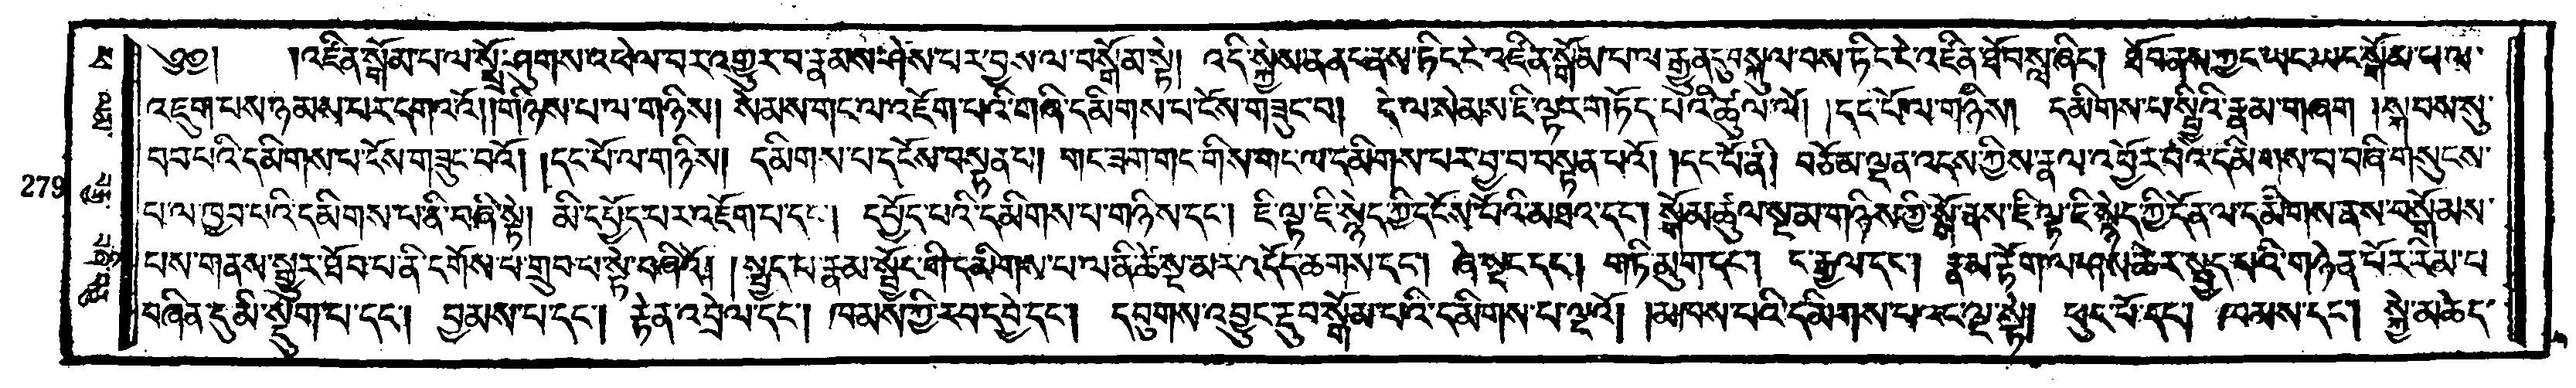༄༅། །འཛིན་སྒོམ་པ་ལ་སྤྲོ་ཤུགས་འཕེལ་བར་འགྱུར་བ་རྣམས་ཤེས་པར་བྱས་ལ་བསྒོམ་སྟེ། འདི་སྐྱེས་ན་ནང་ནས་ཏིང་ངེ་འཛིན་སྒོམ་པ་ལ་རྒྱུན་དུ་བསྐུལ་བས་ཏིང་ངེ་འཛིན་ཐོབ་སླ་ཞིང་། ཐོབ་ནས་ཀྱང་ཡང་ཡང་སྒོམ་པ་ལ་
འཇུག་པས་ཉམས་པར་དགའ་འོ། །གཉིས་པ་ལ་གཉིས། སེམས་གང་ལ་འཇོག་པའི་གཞི་དམིགས་པ་ངོས་གཟུང་བ། དེ་ལ་སེམས་ཇི་ལྟར་གཏོད་པའི་ཚུལ་ལོ། །དང་པོ་ལ་གཉིས། དམིགས་པ་སྤྱིའི་རྣམ་གཞག །སྐབས་སུ་
བབ་པའི་དམིགས་པ་ངོས་གཟུང་བའོ། །དང་པོ་ལ་གཉིས། དམིགས་པ་དངོས་བསྟན་པ། གང་ཟག་གང་གིས་གང་ལ་དམིགས་པར་བྱ་བ་བསྟན་པའོ། །དང་པོ་ནི། བཅོམ་ལྡན་འདས་ཀྱིས་རྣལ་འབྱོར་བའི་དམིགས་པ་བཞི་གསུངས་
པ་ལ་ཁྱབ་པའི་དམིགས་པ་ནི་བཞི་སྟེ། མི་དཔྱོད་པར་འཇོག་པ་དང་། དཔྱོད་པའི་དམིགས་པ་གཉིས་དང་། ཇི་ལྟ་ཇི་སྙེད་ཀྱི་དངོས་བོའི་མཐའ་དང་། སྒོམ་ཚུལ་སྔ་མ་གཉིས་ཀྱི་སྒོ་ནས་ཇི་ལྟ་ཇི་སྙེད་ཀྱི་དོན་ལ་དམིགས་ནས་བསྒོམས་
པས་གནས་སྒྱུར་ཐོབ་པ་ནི་དགོས་པ་གྲུབ་པ་སྟེ་བཞིའོ། །སྤྱད་པ་རྣམ་སྦྱོང་གི་དམིགས་པ་ལ་ནི་ཚེ་སྔ་མར་འདོད་ཆགས་དང་། ཞེ་སྡང་དང་། གཏི་མུག་དང་། ང་རྒྱལ་དང་། རྣམ་རྟོག་ལ་ཤས་ཆེར་སྦྱད་པའི་གཉེན་པོར་རིམ་པ་
བཞིན་དུ་མི་སྡུག་པ་དང་། བྱམས་པ་དང་། རྟེན་འབྲེལ་དང་། ཁམས་ཀྱི་རབ་དབྱེ་དང་། དབུགས་འབྱུང་རྡུབ་སྒོམ་པའི་དམིགས་པ་ལྔའོ། །མཁས་པའི་དམིགས་པའང་ལྔ་སྟེ། ཕུང་པོ་དང་། ཁམས་དང་། སྐྱེ་མཆེད་